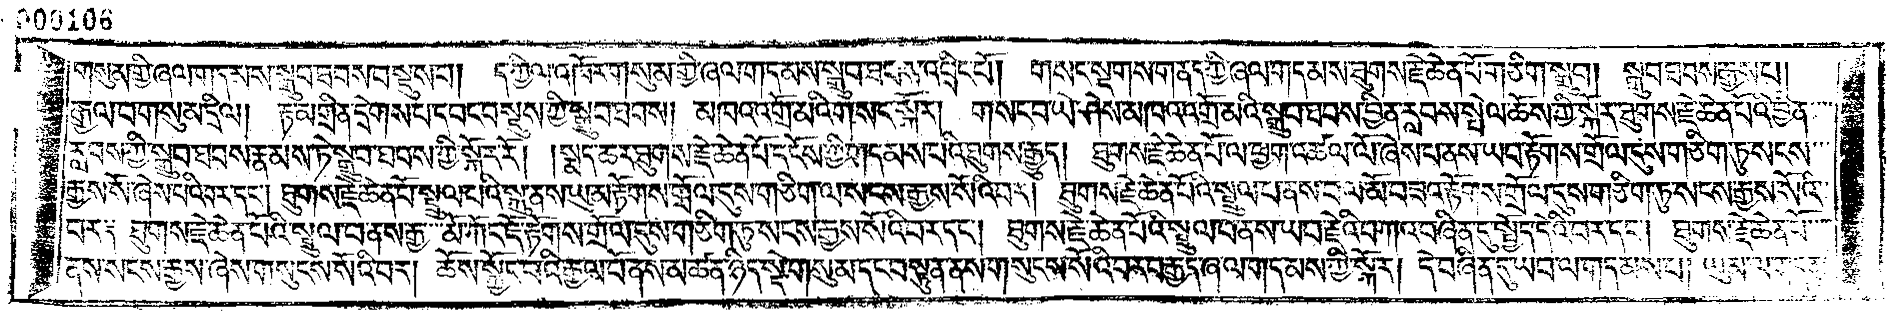གསུམ་གྱི་ཞལ་གདམས་སྒྲུབ་ཐབས་བསྡུས་པ། དཀྱིལ་འཁོར་གསུམ་གྱི་ཞལ་གདམས་སྒྲུབ་ཐབས་འབྲིང་པོ། གསང་སྔགས་གནད་ཀྱི་ཞལ་གདམས་ཐུགས་རྗེ་ཆེན་པོ་གཅིག་སྒྲུབ། སྒྲུབ་ཐབས་རྒྱས་པ།
རྒྱལ་བ་གསུམ་དྲིལ། རྟ་མགྲིན་དྲེགས་པ་དབང་བསྡུས་ཀྱི་སྒྲུབ་ཐབས། མཁའ་འགྲོ་མའི་གསང་སྐོར། གསང་བ་ཡེ་ཤེས་མཁའ་འགྲོ་མའི་སྒྲུབ་ཐབས་བྱིན་རླབས་སྤེལ་ཆོས་ཀྱི་སྐོར་ཐུགས་རྗེ་ཆེན་པོའི་བྱིན་
རླབས་ཀྱི་སྒྲུབ་ཐབས་རྣམས་ཏེ་སྒྲུབ་ཐབས་ཀྱི་སྐོར་རོ། །སྨད་ཆར་ཐུགས་རྗེ་ཆེན་པོ་དངོས་ཀྱི་གདམས་པའི་ཐུགས་རྒྱུད། ཐུགས་རྗེ་ཆེན་པོ་ལ་ཕྱག་འཚལ་ལོ་ཞེས་པ་ནས་ཡབ་རྟོགས་གྲོལ་དུས་གཅིག་ཏུ་སངས་
རྒྱས་སོ་ཞེས་པའི་བར་དང་། ཐུགས་རྗེ་ཆེན་པོ་སྦྲུལ་པའི་སྐུ་ནས་ཡུམ་རྟོགས་གྲོལ་དུས་གཅིག་ལ་སངས་རྒྱས་སོའི་བར། ཐུགས་རྗེ་ཆེན་པོའི་སྤྲུལ་པ་ནས་བལ་མོ་བཟའ་རྟོགས་གྲོལ་དུས་གཅིག་ཏུ་སངས་རྒྱས་སོའི་
བར༑ ཐུགས་རྗེ་ཆེན་པོའི་སྤྲུལ་བ་ནས་རྒྱ་མོ་ཀོང་ཇོ་རྟོགས་གྲོལ་དུས་གཅིག་ཏུ་སངས་རྒྱས་སོའི་བར་དང་། ཐུགས་རྗེ་ཆེན་པོའི་སྦྲུལ་བ་ནས་ཡབ་རྗེའི་བཀའ་བཞིན་དུ་སྤྱོད་དེའི་བར་དང་། ཐུགས་རྗེ་ཆེན་པོ་
ནས་སངས་རྒྱས་ཞེས་གསུངས་སོའི་བར། ཆོས་སྐྱོང་བའི་རྒྱལ་པོ་ནས་མཚན་ཉིད་སྡེ་གསུམ་དང་བསྟུན་ནས་གསུངས་སོའི་བར་བརྒྱད་ཞལ་གདམས་ཀྱི་སྐོར། དེ་བཞིན་དུ་ཡབ་ལ་གདམས་པ། ཡུམ་ལ་གདམས་